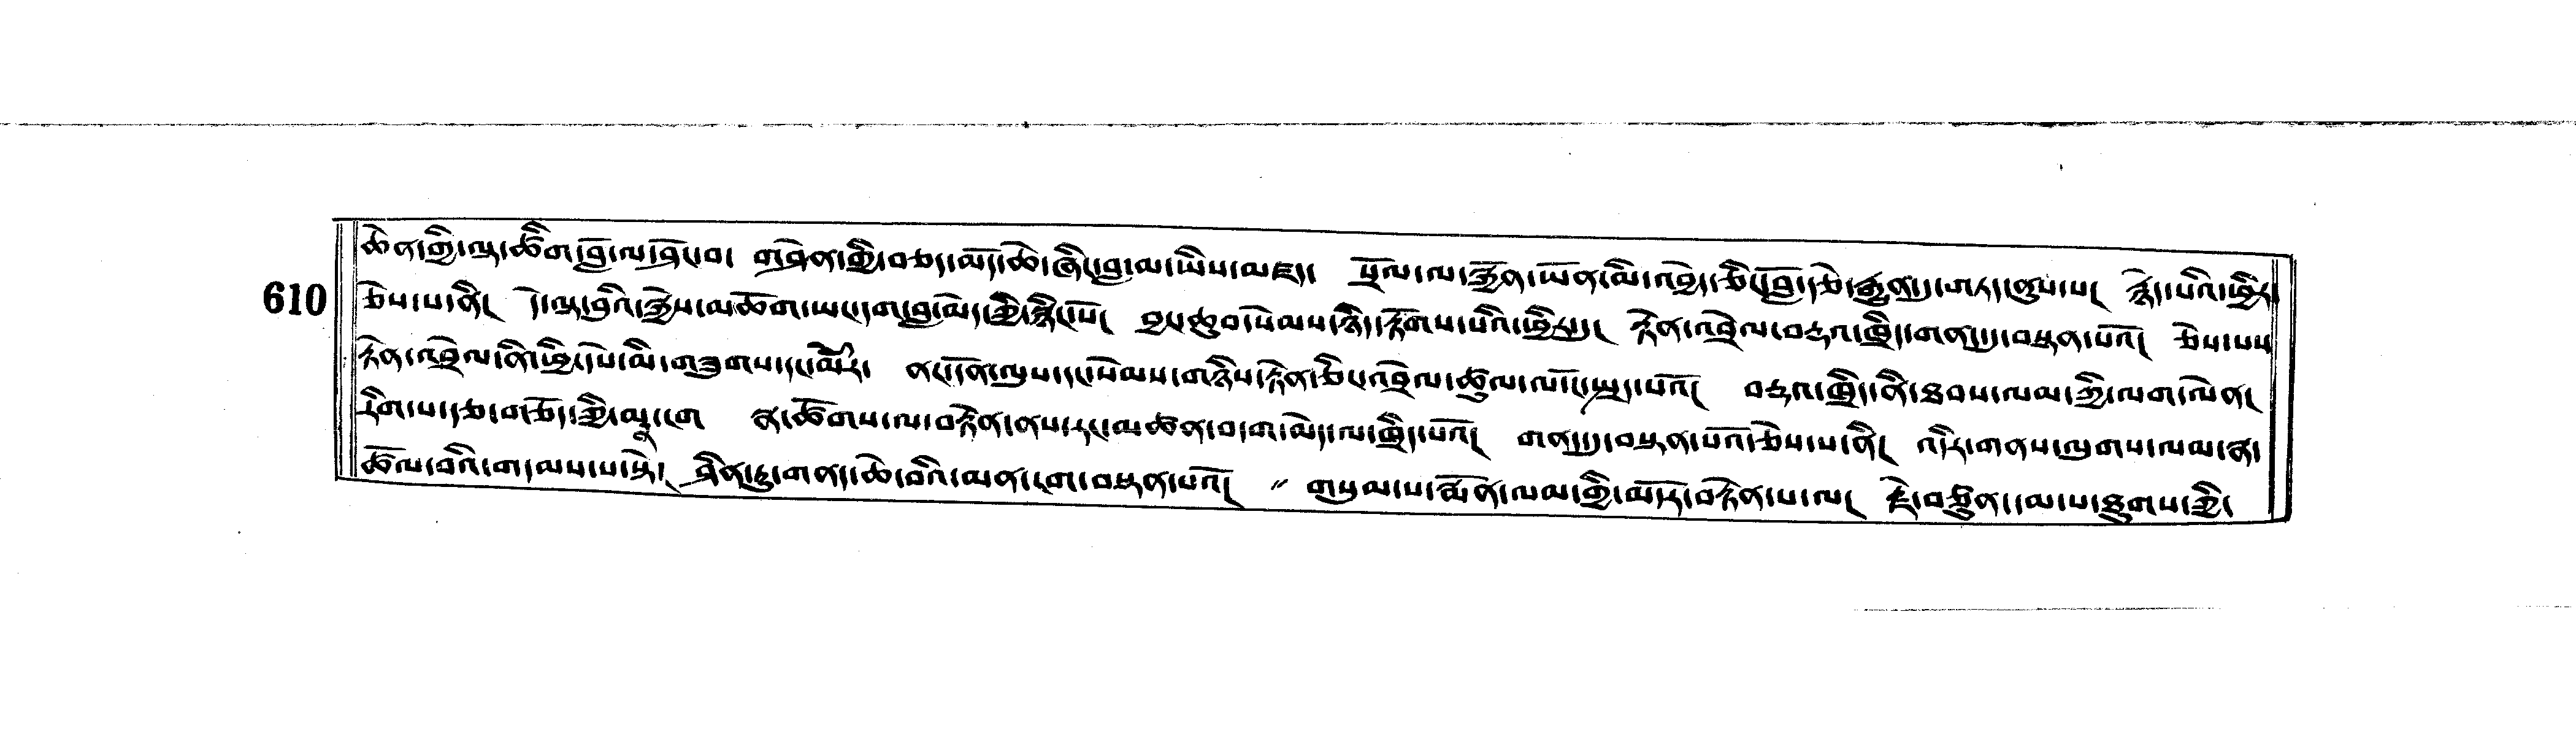ཆེན་གྱི་ལྟ་ཚིག་བློ་ལ་ཤོང་བ། གཤེན་གྱི་བཅད་མདོ་ཆེ་ཞིང་བླ་མ་ཡིས་མཛད། སྲོལ་ལ་སྐྱོན་ཡོན་མི་འབྱེད་ཅིང་བློ་རྩེ་རྒྱུན་དུ་གཏད་ནུས་པ། རྙེད་པའི་ཕྱིར་
ཅེས་པ་ནི། དེ་ལྟ་བུའི་སྐྱེས་མཆོག་ཡང་དག་བླ་མེད་ཀྱི་སྙིང་པོ། བྱང་ཆུབ་སེམས་ཉིད་རྟོགས་པའི་ཕྱིར་དུ། རྟེན་འབྲེལ་བརྡ་ཁྲིད་གནད་དུ་བསྟན་པའོ། ཅེས་པས། 
རྟེན་འབྲེལ་ནི་ཕྱི་དཔེ་མི་གཟུགས་དང་མར་མེ། ནང་དོན་ལུས་དང་སེམས་གཉིས་རྟེན་ཅིང་འབྲེལ་ཚུལ་ལ་ངོ་སྤྲད་པའོ། བརྡ་ཁྲིད་ནི་ཐབས་ལམ་གྱི་ལག་ལེན། 
རིག་པ་རྩ་གཅོད་ཀྱི་མན་ངག སྣ་ཚོགས་ལ་བརྟེན་ནས་རང་མཚན་བདག་མེད་ལ་ཁྲིད་པའོ། གནད་དུ་བསྟན་པའོ། ཅེས་པ་ནི། འདིར་གནས་ལུགས་ལམ་སྣ་
ཚོལ་བའི་གདམས་པ་སྟེ། ཤིན་ཏུ་གནད་ཆེ་བའི་མན་ངག་བསྟན་པའོ། ༧ གསུམ་པ་སྨོན་ལམ་གྱི་མདོར་བསྟན་པ་ལ། རྗེ་བཙུན་དམ་པ་ཐུགས་ཀྱི་